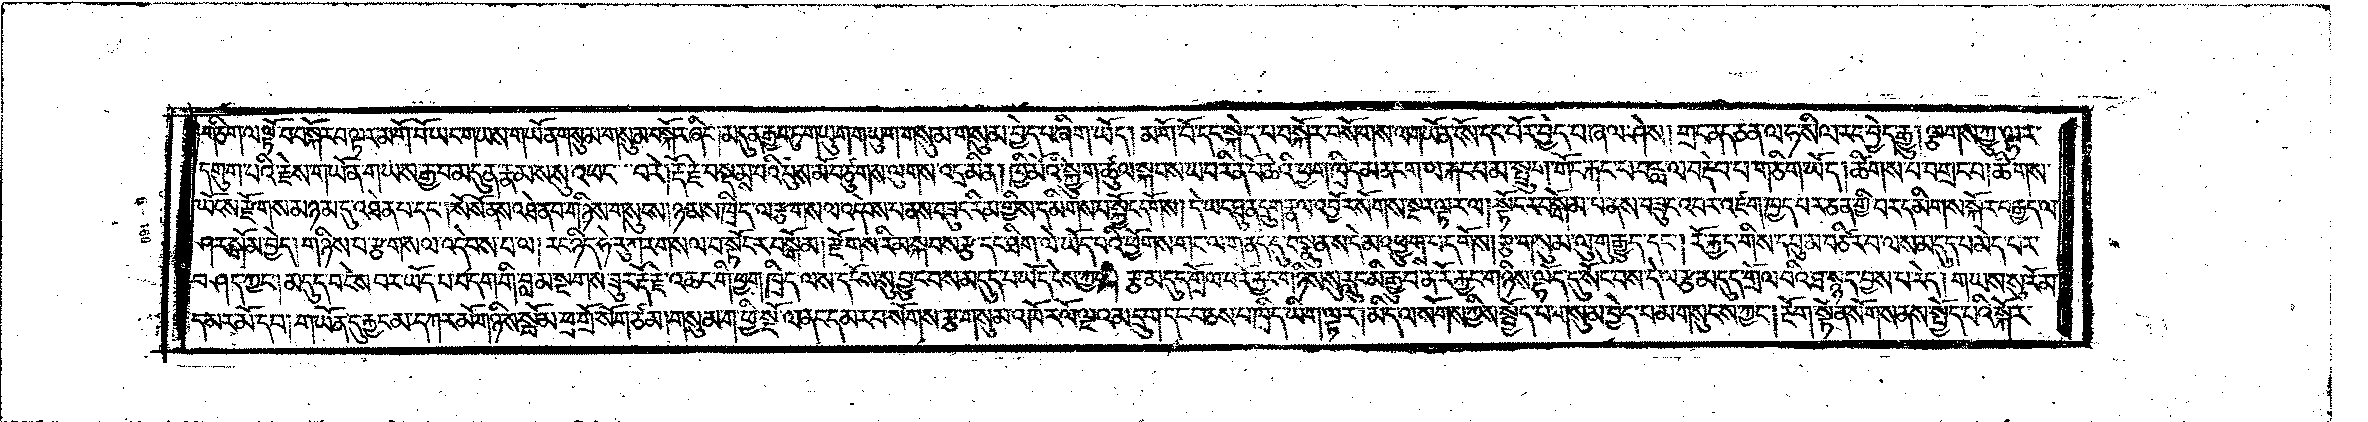གཅིག་ལ་ལྟོ་བ་བསྐོར་བ་ལྟར་མགོ་བོ་ཡང་གཡས་གཡོན་གསུམ་བསྐོར་ཞིང་། མདུན་རྒྱབ་ཏུ་གཡུག་གཡུག་གསུམ་གསུམ་བྱེད་པ་ཞིག་ཡོད། མགོ་བོ་དང་སྐེད་པ་བསྐོར་བ་སོགས་ལ་གཡོན་ངོས་དང་པོར་བྱེད་པ་ཞལ་ཤེས། གྲང་ནད་ཅན་ལ་ཧ་སིལ་རང་བྱེད་རྒྱུ། ལྕགས་ཀྱུ་ལྟར་
དགུག་པའི་རྗེས་གཡོན་གཡས་རྒྱབ་མདུན་རྣམས་སུ་འཕང་བ་རེ། རྡོ་རྗེ་བསྡམས་པའི་པུས་མོ་བཙུགས་ལུགས་འདྲ་མིན། ཁྱི་མོའི་སྐྱུག་ཚུལ་སྐབས་ཡབ་རིན་པོ་ཆེའི་ཕྱག་ཁྲིད་མན་ངག་ལ་རྐང་བ་མ་སྤྲུག་གོང་རྐང་པ་བརླ་ལ་བརྡེབ་པ་གཅིག་ཡོད། ཚིགས་པ་བགྲང་བ། ཚིགས་
ཡོངས་རྫོགས་མཉམ་དུ་འཐེན་པ་དང་། སོ་སོ་ནས་འཐེན་བ་གཉིས་གསུངས། ཉམས་ཁྲིད་ལ་རྩགས་ལ་འདེབས་པ་ནས་བཟུང་རིམ་གྱིས་དམིགས་པ་སྐྱོང་དགོས། དེ་ཡང་ཐུན་དྲུག་རྣལ་འབྱོར་སོགས་སྔར་ལྟར་ལ། སྟོང་རབ་སྒོམ་པ་ནས་བཟུང་འབར་འཛག་ཁྱད་པར་ཅན་གྱི་བར་དམིགས་སྐོར་བརྒྱད་ལ་
ཤར་སྒོམ་བྱེད། གཉིས་པ་རྩ་གསལ་འདེབས་པ་ལ། རང་ཉིད་ཧེ་རུ་ཀར་གསལ་བསྟོང་ར་བསྒོམ། རྫོགས་རིམ་སྐབས་རྩ་དང་ཐིག་ལེ་ཡོད་པའི་ཕྱོགས་གང་ལ་གནད་དུ་བསྣུན་ས་དེ་མ་འཕྱུགས་པ་དགོས། རྩ་གསུམ་ལུ་གུ་རྒྱུད་དང་། རོ་རྐྱང་གིས་དབུ་མ་བཙིར་བ་ལས་མདུད་པ་མེད་པར་
བཤད་ཀྱང་། མདུད་བ་ངེས་པར་ཡོད་པ་བདག་གི་བླ་མ་སྔགས་ཟུར་རྡོ་རྗེ་འཆང་གི་ཕྱག་ཁྲིད་ལས་དངོས་སུ་བྱུང་བསམ་མདུད་པ་ཡོད་ངེས་ཀྱང་། རྩ་མདུད་གྲོལ་པ་རོ་རྐྱང་གཉིས་སུ་རླུང་མི་རྒྱུ་བ་ན་རོ་རྐྱང་གཉིས་ལྷོད་དུ་སོང་བས་དེ་ལ་རྩ་མདུད་གྲོལ་བའི་ཐ་སྙད་བྱས་པ་རེད། གཡས་སུ་རོམ་
དམར་མོ་དབ། གཡོན་དུ་རྐྱང་མ་དཀར་མོ་གཉིས་སྦོམ་ཕྲ་སོག་ཙམ། གསུམ་ག་ཕྱི་སྔོ་ལ་ནང་དམར་བ་སོགས་རྩ་གསུམ་འཁོར་ལོ་ལྔའམ་དྲུག་དང་བཅས་པ་ཁྲིད་ཡིག་ལྟར་།མིད་ལ་སོགས་ཀྱིས་སྤྱོད་པ་གསུམ་བྱེད་པ་མ་གསུངས་ཀྱང་། རྔོག་སྟོན་སོགས་ནས་སྤྱོད་པའི་སྐོ་